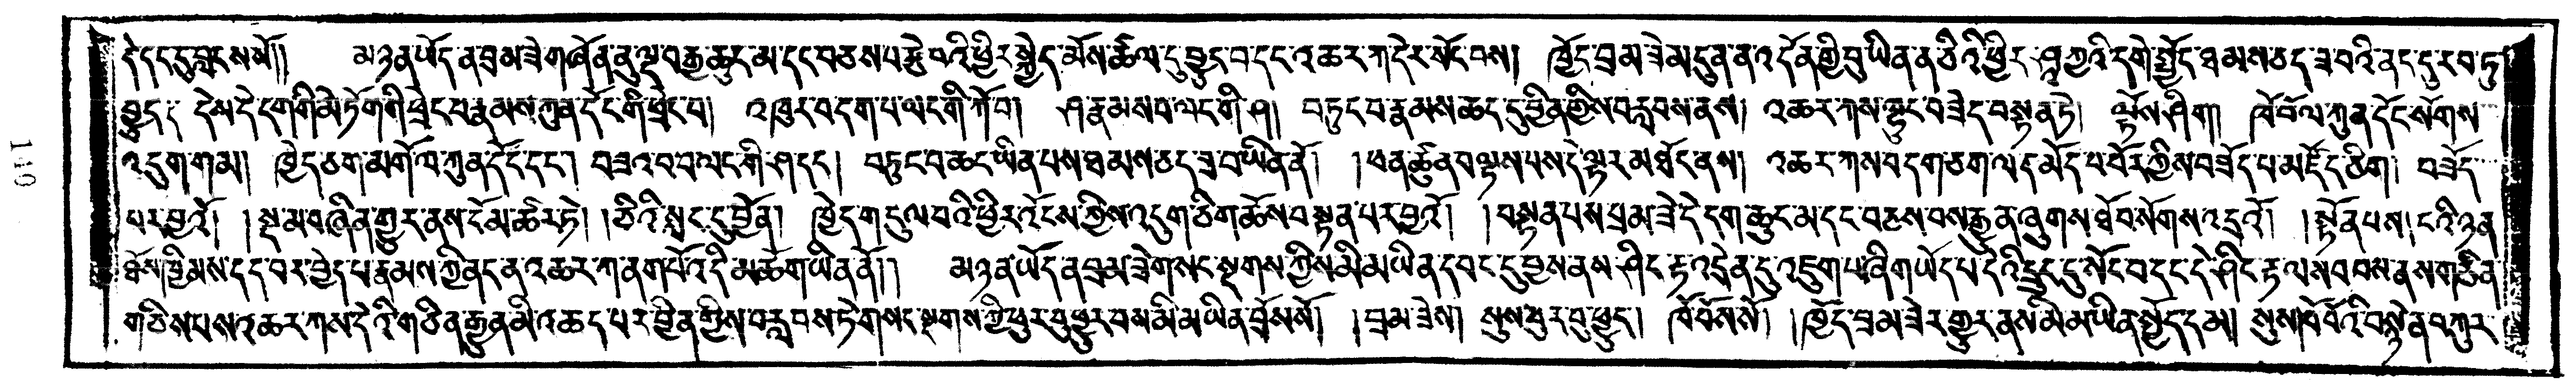དེ་དང་དུ་བླངས་སོ།། མཉན་ཡོད་ན་བྲམ་ཟེ་གཞོན་ནུ་ལྔ་བརྒྱ་ཆུང་མ་དང་བཅས་པ་བརྩེ་བའི་ཕྱིར་སྐྱེད་མོས་ཚལ་དུ་བྱུང་བ་དང་འཆར་ཀ་དེར་སོང་བས། ཁྱོད་བྲམ་ཟེ་མདུན་ན་འདོན་གྱི་བུ་ཡིན་ན་ཅིའི་ཕྱིར་ཤཱཀྱའི་དགེ་སྤྱོད་ཐམས་ཅད་ཟ་བའི་ནང་དུ་རབ་ཏུ་
བྱུང༑ དེས་དེ་དག་གི་མེ་ཏོག་གི་ཕྲེང་བ་རྣམས་ཀུན་དོང་གི་ཕྲེང་བ། འཁུར་བ་དག་པ་ལང་གི་ཀོ་བ། ཤ་རྣམས་བ་ལང་གི་ཤ། བཏུང་བ་རྣམས་ཆད་དུ་བྱིན་གྱིས་བརླབས་ནས། འཆར་ཀས་ལྟུང་བཟེད་བསྟན་ཏེ། སྟོས་ཤིག། ཁོ་བོ་ལ་ཀུན་དོང་སོགས་
འདུག་གམ། ཁྱེད་ཅག་མགོ་ལ་ཀུན་དོང་དང་། བཟའ་བ་ལང་གི་ཤ་དང་། བཏུང་བ་ཆང་ཡིན་པས་ཐམས་ཅད་ཟ་བ་ཡིན་ནོ། །ཕན་ཚུན་བལྟས་པས་དེ་ལྟར་མཐོང་ནས། འཆར་ཀས་བདག་ཅག་ལ་དམོད་པ་བོར་ཀྱིས་བཟོད་པ་མཛོད་ཅིག། བཟོད་
པར་བྱའོ། །སྔ་མ་བཞིན་གྱུར་ནས་ངོམ་ཚར་ཏེ། །ཅིའི་སླང་དུ་བྱོན། ཁྱེད་གདུལ་པའི་ཕྱིར་འོངས་ཀྱིས་འདུག་ཅིག་ཆོས་བསྟན་པར་བྱའོ། །བསྟན་པས་བྲམ་ཟེ་དེ་དག་ཆུང་མ་དང་བཅས་པས་རྒྱུན་ཞུགས་ཐོབ་སོགས་འདྲའོ། །སྟོན་པས། ངའི་ཉན་
ཐོས་ཁྱིམས་དད་པར་བྱེད་པ་རྣམས་ཀྱི་ནང་ན་འཆར་ཀ་ནག་པོ་འདི་མཆོག་ཡིན་ནོ།། མཉན་ཡོད་ན་བྲམ་ཟེ་གསང་སྔགས་ཀྱིས་མི་མ་ཡིན་དབང་དུ་བྱས་ནས་ཤིང་རྟ་འདྲེན་དུ་འཇུག་པ་ཞིག་ཡོད་པ་དེའི་དྲུང་དུ་སོང་བ་དང་དེ་ཤིང་རྟ་ལས་བབས་ནས་གཅིན་
གཅིས་པས་འཆར་ཀས་དེའི་གཅིན་རྒྱུན་མི་འཆད་པར་བྱིན་གྱིས་བརླབས་ཏེ་གསང་སྔགས་ཀྱི་ཕུར་བུ་ཕྱུར་བས་མི་མ་ཡིན་བྲོས་སོ། །བྲམ་ཟེས། སུས་ཕུར་བུ་ཕྱུད། ཁོ་བོས་སོ། །ཁྱོད་བྲམ་ཟེར་གྱུར་ནས་མི་མ་ཡིན་སྤྱོད་དམ། སུས་ཁོ་བོའི་བསྙེན་བཀུར་